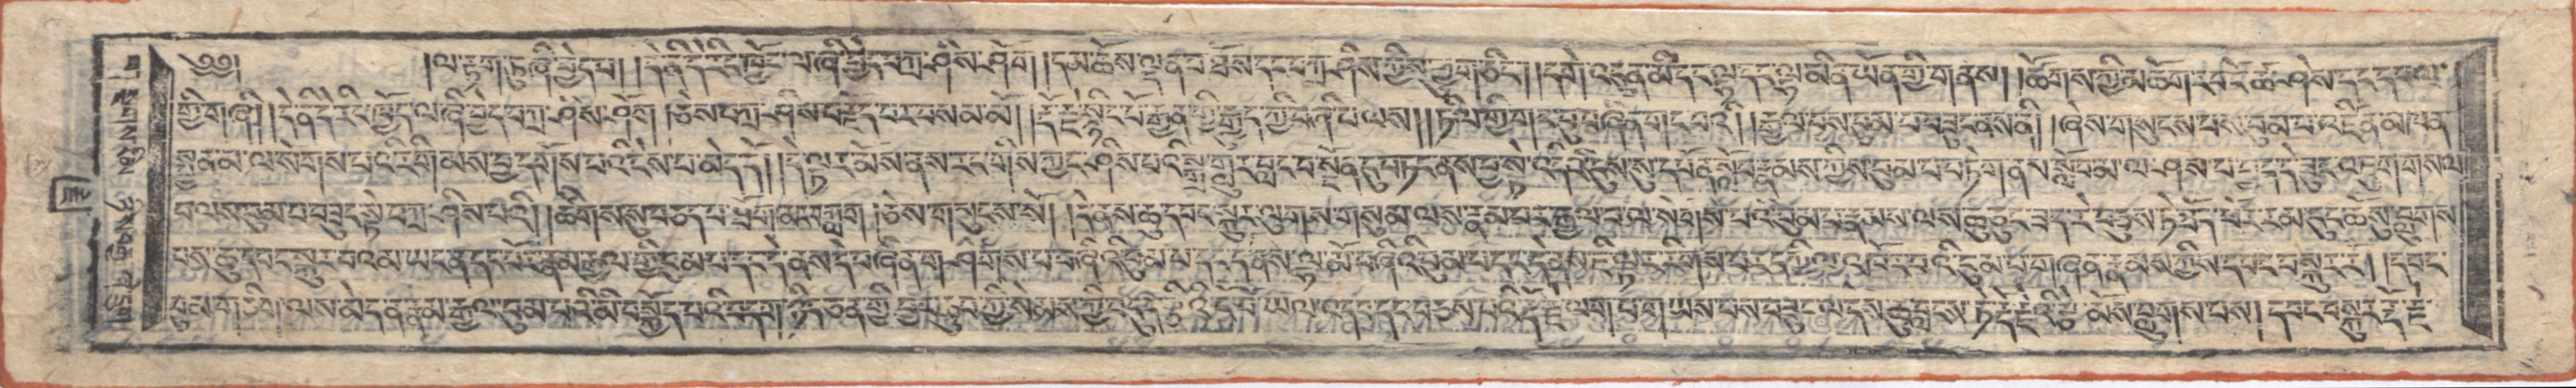༄༅། །ལ་རྟག་ཏུ་ཞི་བྱེད་པ། །དེ་ནི་དེ་རིང་ཁྱོད་ལ་ཞི་བྱེད་བཀྲ་ཤིས་ཤོག །དམ་ཆོས་ལྡན་པ་ཐོས་དང་བཀྲ་ཤིས་ཀྱིས་ཕྱུག་ཅིང་། །དགེ་འདུན་མི་དང་ལྷ་དང་ལྷ་མིན་ཡོན་གྱི་གནས། །ཚོགས་ཀྱི་མཆོག་རབ་ངོ་ཚ་ཤེས་དང་དཔལ་
གྱི་གཞི། །དེ་ནི་དེ་རིང་ཁྱོད་ལ་ཞི་བྱེད་བཀྲ་ཤིས་ཤོག །ཅེས་བཀྲ་ཤིས་བརྗོད་པར་བསམ་མོ། །རྡོ་རྗེ་སྙིང་པོ་རྒྱན་གྱི་རྒྱུད་ཀྱི་བཞི་པ་ལས། །ཏིལ་གྱི་གང་བུ་བཞིན་གང་བའི། །རྒྱལ་བས་བུམ་པ་བཟུང་ནས་ནི། །ཞེས་གསུངས་པས་བུམ་པ་འཛིན་མཁན་
སྤྱན་མ་ལ་སོགས་པའི་རིག་མས་བྱ་དགོས་པའི་ངེས་པ་མེད་དོ། །དེ་ལྟར་མོས་ནས་རང་གིས་ཀྱང་ཤིས་པའི་སྒྲ་གླུར་བླང་བ་སྔོན་དུ་བཏང་ནས་བྱ་སྟེ་འདིའི་དུས་སུ་དཔོན་སློབ་རྣམས་ཀྱིས་བུམ་པ་བཏེག་ནས་སློབ་མ་ལ་ཤིས་པ་བྱེད་དེ་ཟུང་འཇུག་གསལ་
བ་ལས་བུམ་པ་བཟུང་སྟེ་བཀྲ་ཤིས་པའི། །ཚིགས་སུ་བཅད་པ་ཐོག་མར་ཀླག །ཅེས་གསུངས་སོ། །དེ་ནས་ཆུ་དབང་སྐུར་ལུགས་གསུམ་ལས་རྣམ་པར་རྒྱལ་བ་ལ་སོགས་པའི་བུམ་པ་རྣམས་ལས་ཆུ་ཅུང་ཟད་རེ་བཅུས་ཏེ་ཐོད་ཕོར་རམ་དུང་ཆོས་སུ་བླུགས་
པས་ཆུ་དབང་སྐུར་བའམ་ཡང་ན་དང་པོར་རྣམ་རྒྱལ་གྱི་བུམ་པ་དང་དེ་ནས་དེ་བཞིན་གཤེགས་པ་བཞིའི་བུམ་པ་དང་དེ་ནས་ལྷ་མོ་བཞིའི་བུམ་པ་དང་དེ་ནས་ཇི་ལྟར་རིགས་པར་དཀྱིལ་འཁོར་བའི་བུམ་པ་གཞན་རྣམས་ཀྱིས་དབང་བསྐུར་རོ། །དབང་
བུམ་གཅིག་ལས་མེད་ན་རྣམ་རྒྱལ་བུམ་པའི་མི་བསྐྱོད་པའི་བདག་ཉིད་ཅན་གྱི་བྱང་ཆུབ་ཀྱི་སེམས་ཀྱི་བདུད་རྩིའི་ངོ་བོ་ཡལ་འདབ་དང་བཅས་པའི་རྡོ་རྗེ་ལག་པ་གཡས་པས་བཟུང་ལ་དེས་ཆུ་བླངས་ཏེ་རྡོ་རྗེའི་རྩེ་མོས་བླུགས་པས། དབང་བསྐུར་རྡོ་རྗེ་